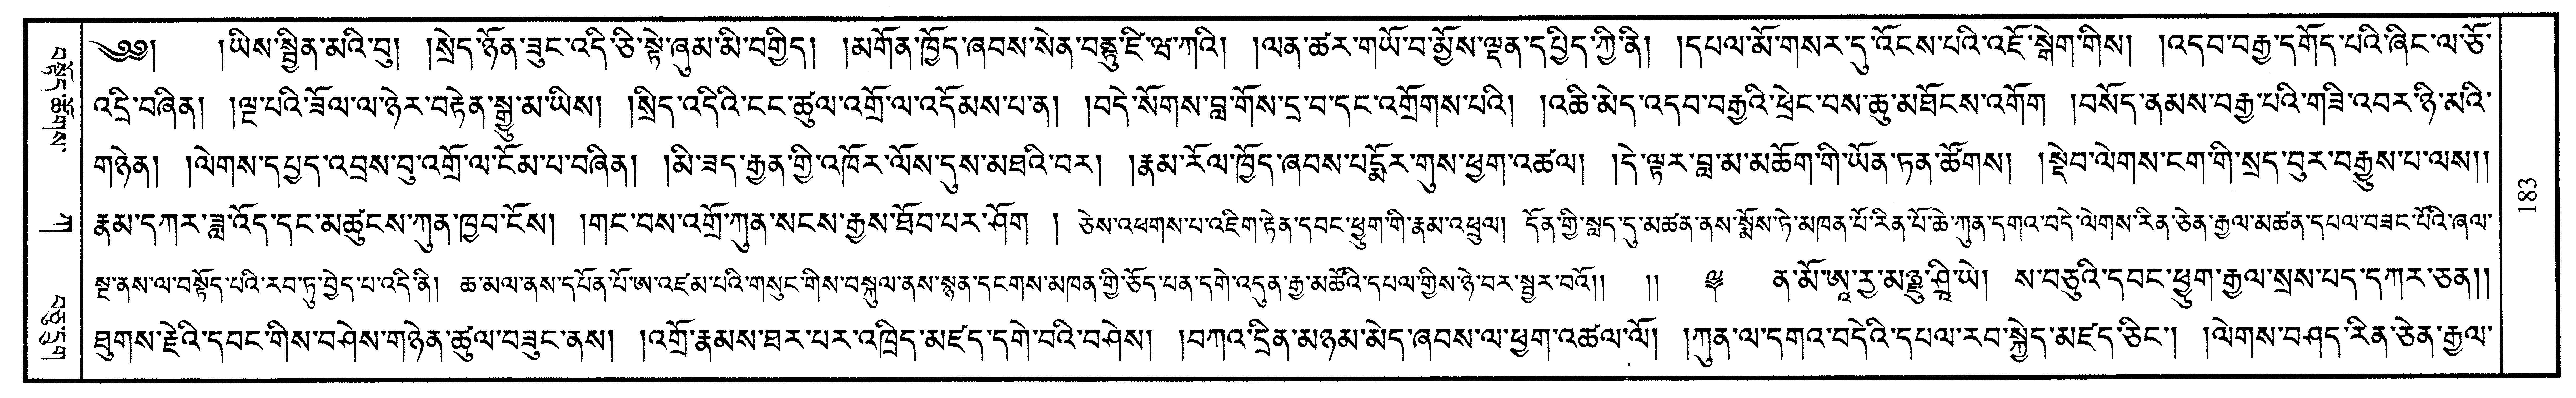༄༅། །ཡིས་སྦྱིན་མའི་བུ། །སྲེད་ཉོན་ཟུང་འདི་ཅི་སྟེ་ཞུམ་མི་བགྱིད། །མགོན་ཁྱོད་ཞབས་སེན་བནྟུ་ཛི་ཝ་ཀའི། །ལན་ཚར་གཡོ་བ་མྱོས་ལྡན་དཔྱིད་ཀྱི་ནི། །དཔལ་མོ་གསར་དུ་འོངས་པའི་འཇོ་སྒེག་གིས། །འདབ་བརྒྱ་དགོད་པའི་ཞིང་ལ་ཅོ་
འདྲི་བཞིན། །ལྔ་པའི་ཟོལ་ལ་ཉེར་བརྟེན་སྒྱུ་མ་ཡིས། །སྲིད་འདིའི་ངང་ཚུལ་འགྲོ་ལ་འདོམས་པ་ན། །བདེ་སོགས་བླ་གོས་དྲ་བ་དང་འགྲོགས་པའི། །འཆི་མེད་འདབ་བརྒྱའི་ཕྲེང་བས་ཆུ་མཐོངས་འགོག །བསོད་ནམས་བརྒྱ་པའི་གཟི་འབར་ཉི་མའི་
གཉེན། །ལེགས་དཔྱད་འབྲས་བུ་འགྲོ་ལ་ངོམ་པ་བཞིན། །མི་ཟད་རྒྱན་གྱི་འཁོར་ལོས་དུས་མཐའི་བར། །རྣམ་རོལ་ཁྱོད་ཞབས་པདམོར་གུས་ཕྱག་འཚལ། །དེ་ལྟར་བླ་མ་མཆོག་གི་ཡོན་ཏན་ཚོགས། །སྡེབ་ལེགས་ངག་གི་སྲད་བུར་བརྒྱུས་པ་ལས།།
རྣམ་དཀར་ཟླ་འོད་དང་མཚུངས་ཀུན་ཁྱབ་ངོས། །གང་བས་འགྲོ་ཀུན་སངས་རྒྱས་ཐོབ་པར་ཤོག །ཅེས་འཕགས་པ་འཇིག་རྟེན་དབང་ཕྱུག་གི་རྣམ་འཕྲུལ། དོན་གྱི་སླད་དུ་མཚན་ནས་སྨོས་ཏེ་མཁན་པོ་རིན་པོ་ཆེ་ཀུན་དགའ་བདེ་ལེགས་རིན་ཅེན་རྒྱལ་མཚན་དཔལ་བཟང་པོའི་ཞལ་
སྔ་ནས་ལ་བསྟོད་པའི་རབ་ཏུ་བྱེད་པ་འདི་ནི། ཆ་མལ་ནས་དཔོན་པོ་ཨ་འཛམ་པའི་གསུང་གིས་བསྐུལ་ནས་སྙན་དངགས་མཁན་གྱི་ཅོད་པན་དགེ་འདུན་རྒྱ་མཚོའི་དཔལ་གྱིས་ཉེ་བར་སྦྱར་བའོ།། །། ༈ ན་མོ་ཨཱ་རྱ་མཉྫུ་ཤྲཱི་ཡེ། ས་བཅུའི་དབང་ཕྱུག་རྒྱལ་སྲས་པད་དཀར་ཅན།
ཐུགས་རྗེའི་དབང་གིས་བཤེས་གཉེན་ཚུལ་བཟུང་ནས། །འགྲོ་རྣམས་ཐར་པར་འཁྲིད་མཛད་དགེ་བའི་བཤེས། །བཀའ་དྲིན་མཉམ་མེད་ཞབས་ལ་ཕྱག་འཚལ་ལོ། །ཀུན་ལ་དགའ་བདེའི་དཔལ་རབ་སྐྱེད་མཛད་ཅིང་། །ལེགས་བཤད་རིན་ཅེན་རྒྱལ་